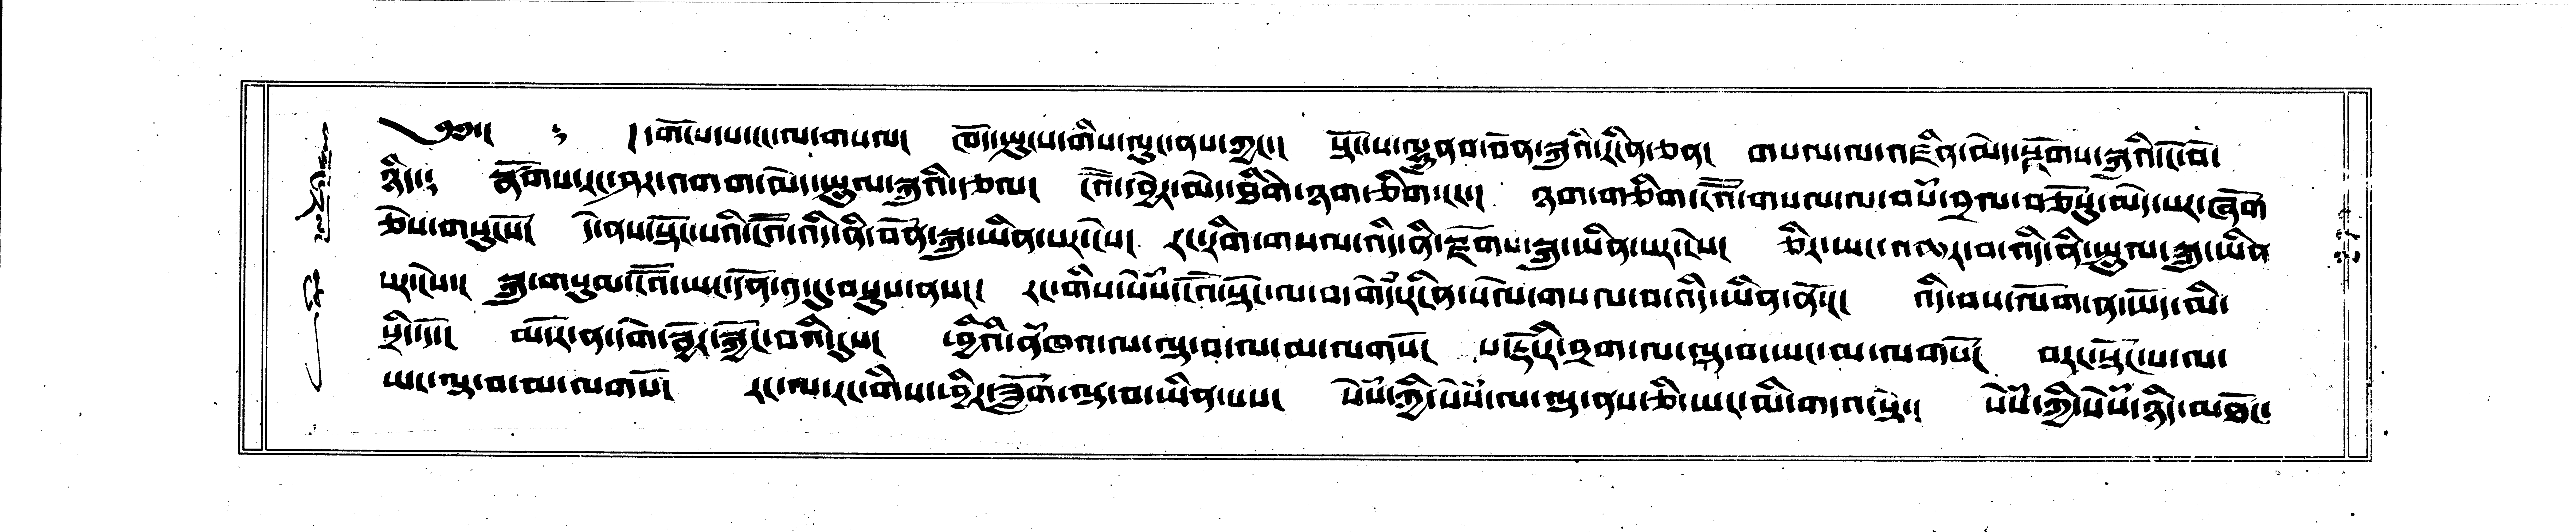དགོང་པ་ངང་ལ་གསལ། ཁོད་སྤུངས་གིས་ལུང་ནས་ཀྱང་། སྟོང་པ་ལྷུན་གྲུབ་བོན་སྐུའི་རང་བཞིན་ཅན། གསལ་ལ་འཛིན་མེད་རྫོགས་སྐུའི་ངོའོ་
ཉིད། སྣ་ཚོགས་རང་ཤར་འགག་མེད་སྤྲུལ་སྐུའི་སྩལ་༼རྩལ༽། ངོའོ་དབྱེར་མེད་ཐིག་ལེ་ཉག་གཅིག་དང་། ཉག་གཅིག་ངོའོ་གསལ་ལ་བསམ་བྲལ་བཅོས་སུ་མེད་པར་ཞོག 
ཅེས་གསུངས། དེ་ནས་སྟོང་པའི་ངོའོ་འདི་ནི་བོན་སྐུ་ཡིན་པར་ངེས། རང་རིག་གསལ་བ་འདི་རྫོགས་སྐུ་ཡིན་པར་ངེས། ཅིར་ཡང་འཆར་བ་འདི་ནི་སྤྲུལ་སྐུ་ཡིན་
པར་ངེས། སྐུ་གསུམ་ངོའོ་ཡང་དག་ཅིག་དུ་བསྡུས་ན། རང་གི་སེམས་ངོའོ་སྟོང་ལ་བདག་མེད་རང་བཞིན་སལེ་གསལ་བ་འདི་ཡིན་ནོ། འདི་ལས་ལོག་ན་ཡོད་མི་
བསྲིད། མདོར་ན་དགེ་སྦྱོར་སྐྱོང་པའི་དུས། ཕྱིའི་ནམ་མཁའ་ལ་ལྟ་བ་མ་ལགས་སོ། ས་རྡོ་རི་བྲག་ལ་ལྟ་བ་མ་ལགས་སོ། བར་སྣང་སྟོང་པ་ལ་
ལྟ་བ་མ་ལགས་སོ། རང་གི་རང་ལ་ཕྱིར་བཟློག་ལ་ལྟ་བ་ཡིན་ཏེ། སེམས་ཀྱི་སེམས་ལས་ལྟ་བ་ཡིན། སེམས་ཀྱི་སེམས་ལས་བལྟས་ནས་ཅི་ཡང་མི་གདའ་ན། སེམས་ཀྱིས་མཐོང་